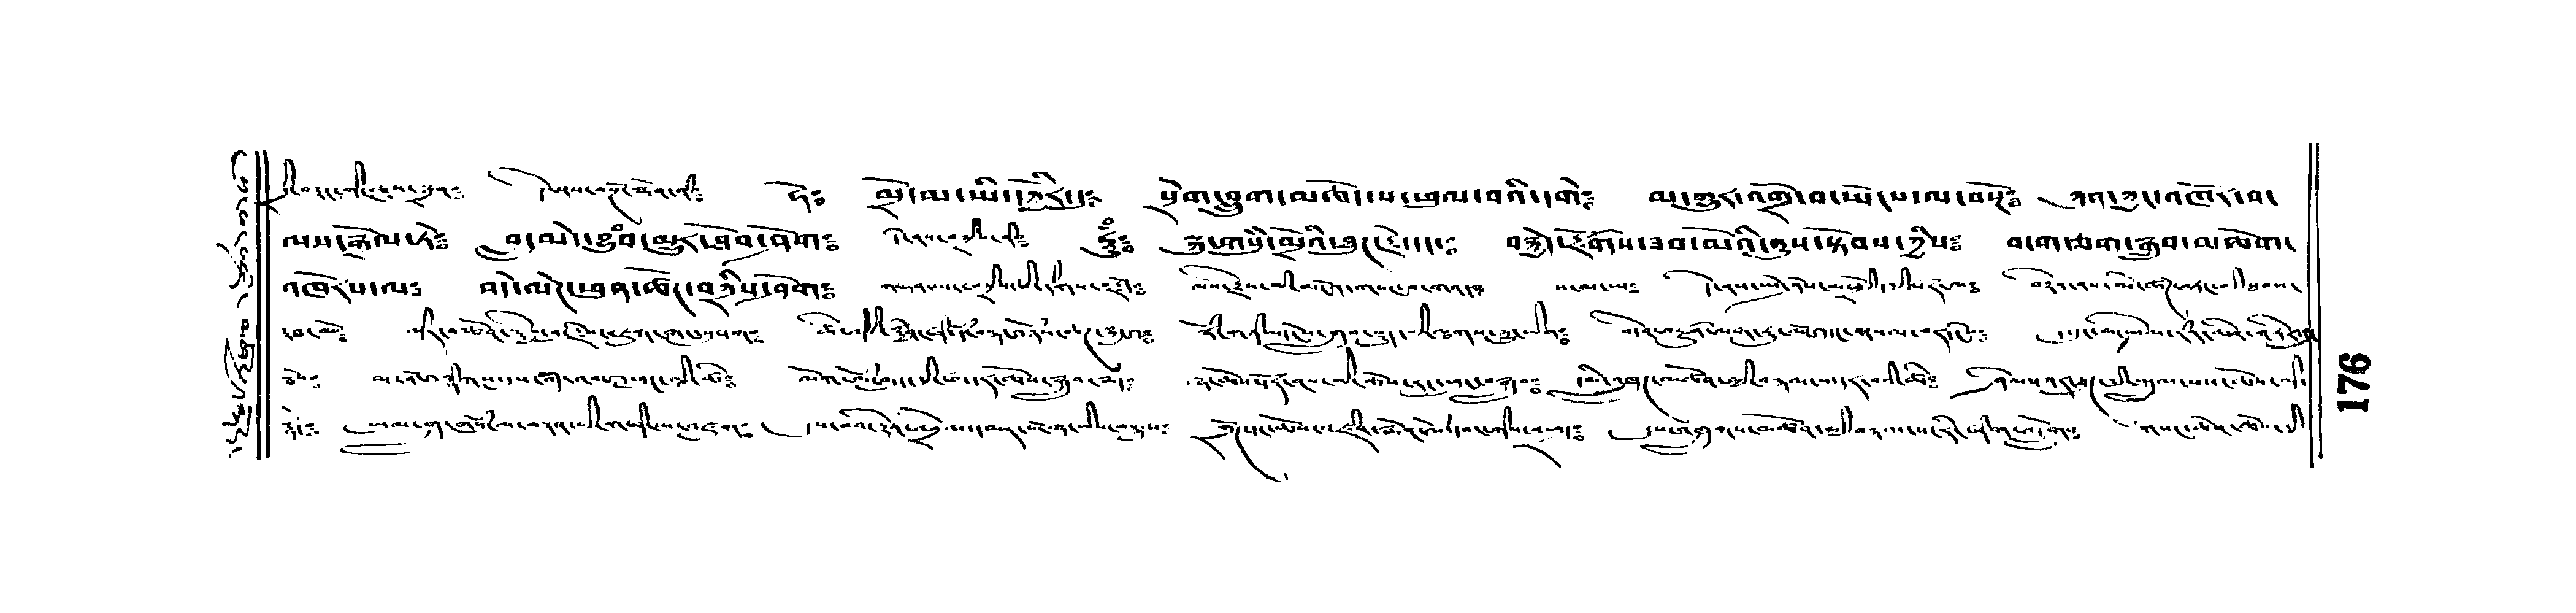དྲི་བཟང་གི་ཆུས་སྦྲན༔ དེ་ནས་བསྔོ་སྨོན་ནི༔ ཧོཿ མཁའ་འགྲོ་མ་ཡི་དཀྱིལ་འཁོར་དུ༔ སྲེག་བླུགས་མཆོད་པ་ཕུལ་བའི་དགེ༔ མ་གྱུར་འགྲོ་བ་ཡོངས་ལ་བསྔོཿ ཀུན་ཀྱང་འཁོར་བ་
ལས་སྒྲོལ་ཏེ༔ བླ་མེད་བྱང་ཆུབ་མྱུར་ཐོབ་ཤོག༔ དེ་ནས་བཀྲ་ཤིས་ནི༔ ཧཱུྃ༔ སྐུ་གསུམ་མཁའ་འགྲོའི་ཐུགས་རྗེ་དང༔ བསྐྱེད་རྫོགས་ཟབ་མོའི་ནུས་སྟོབས་ཀྱིས༔ བདག་ཅག་སྒྲུབ་མཆོག་
འཁོར་བཅས་ལ༔ བདེ་ལེགས་ཕུན་ཚོགས་བཀྲ་ཤིས་ཤོག༔ གཞན་ཡང་བཀྲ་ཤིས་ཅི་རིགས་བརྗོད༔ ལས་རྗེས་མི་མངོན་གསང་བ་གནད༔ ས་མ་ཡ༔ དེ་ལྟར་ཡེ་ཤེས་མཁའ་འགྲོའི་དཀྱིལ་འཁོར་ལ༔ བརྟེན་ནས་མེ་ཚོགས་བཏང་བའི་ཐབས་
ཟབ་མོ༔ འདིར་བརྩོན་སྐྱེས་བུ་རྗེས་འཇུག་གང་སུ་དག༔ ཚེ་འདིའི་རྐྱེན་ཞི་དམ་བསྐངས་ཉམས་ཆགས་སྦྱངས༔ རྣམ་གཉིས་དངོས་གྲུབ་སྡུད་པའི་ལྕགས་ཀྱུ་ཡིན༔ བདེན་བརྫུན་ལག་ཏུ་ལོངས་དང་གསལ་བར་ངེས༔ ད་དུང་མ་སྤེལ་རིན་ཆེན་གཏེར་དུ་
སྦོས༔ མ་འོངས་སྙིགས་དུས་བོད་འབངས་ཕུང་བའི་ཚེ༔ ལོག་ལམ་བདུད་ཀྱི་ཁ་དར་ཆོས་སྒྲུབ་སྨད༔ ལྷ་ཆོས་དོར་ནས་མི་ཆོས་རང་ཕུང་བསྒྲུབ༔ དམེ་འཁྲུགས་མཚོན་གྱི་བསྐལ་པ་དར་བའི་ཚེ༔ ཤེལ་དཀར་ཐུགས་ཀྱི་སྤྲུལ་པས་ཆོས་འདི་
རྙེད༔ ཡུལ་གྲུ་གསུམ་ལ་བསྟན་པའི་གཞི་མ་འཛུག༔ དུས་བབ་རྟེན་འབྲེལ་དམར་པོ་ལྷ་ཡིས་བསྐུལ༔གྲོགས་དང་ཆོས་འཛིན་སྨོན་ལམ་དབང་གིས་འཕྲད༔ དུས་འཁྲུགས་མཚོན་གྱིས་བསྐལ་པ་རེ་ཞིག་བཟློག༔ གསང་ཆེན་ཆོས་ཀྱི་